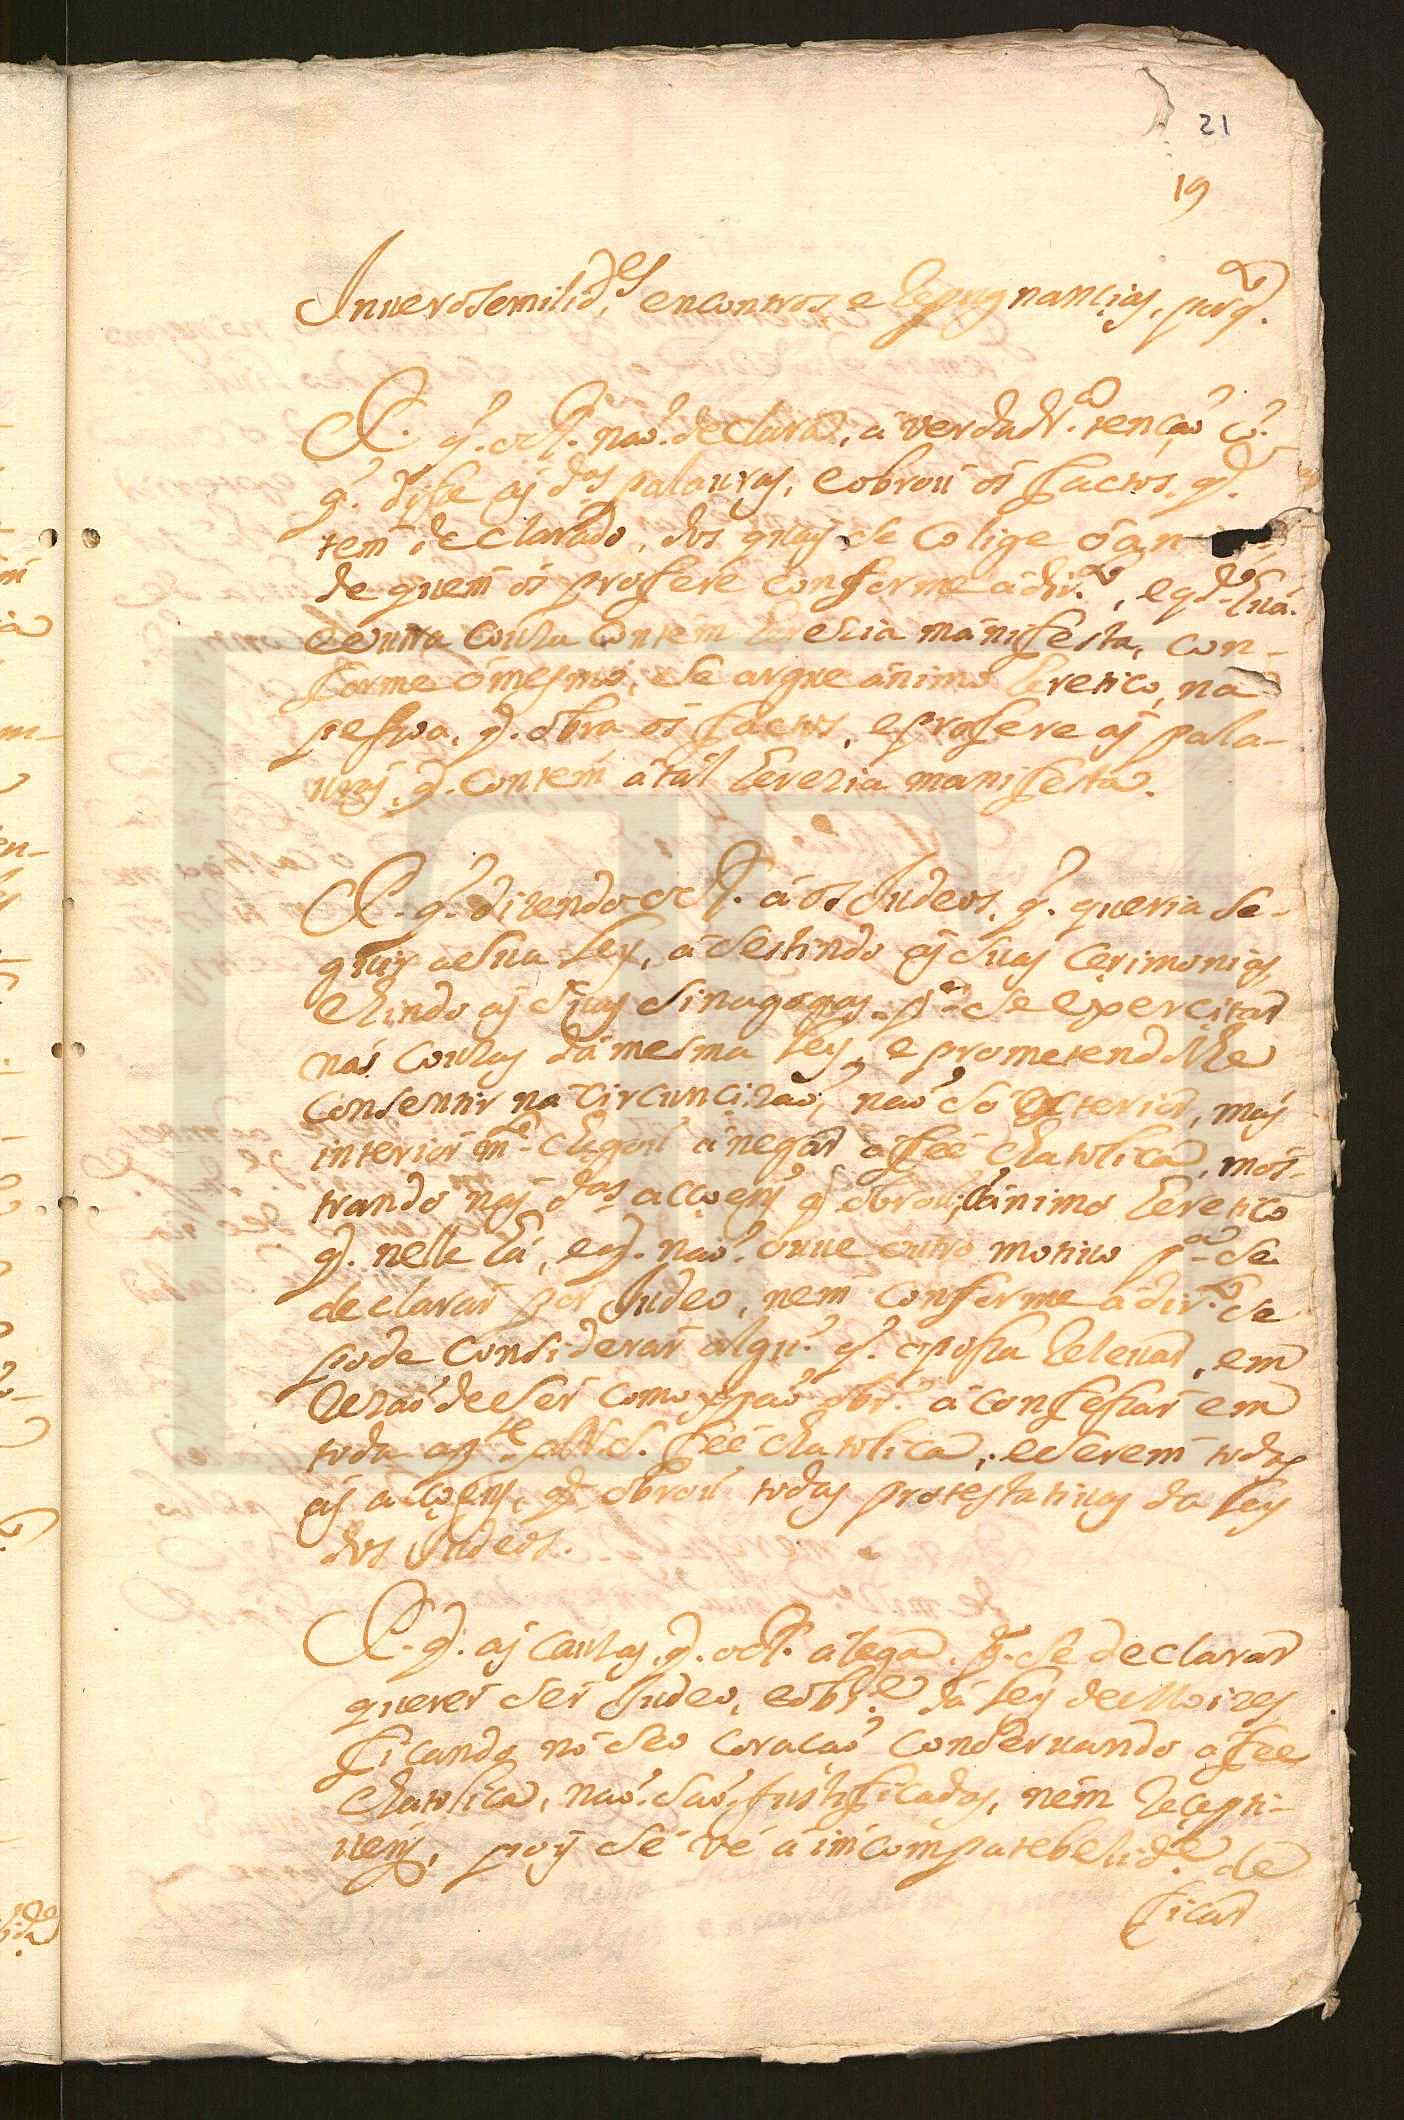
Inuerosemilid̄.es encontros e Repugnancias, porq̄to.
P. q̄. o R. naõ declara, a verdadr.a tençaõ cō
q̄. disse as d.as palauras, e obrou os factos q̄
tem declarado, dos quais se colige o an
de quem os profere conforme a dir.to, e qdo huā
e outra couza contem heresia manifesta, con
forme o mesmo, se argue ánimo heretico, na
pessoa q̄. obra os factos, e profere as pala
uras, q̄ contem a tal herezia manifesta.
P. q̄. dizendo o R. áos Iudeos. q̄ queria se
guir a sua Ley, asestindo as suas cerimonias,
e hindo as Suas sinagogas. pa se exercitar
nas couzas da mesma ley, e prometendolhe
consentir na circuncizaõ; naõ so exterior, mas
interiorm.te chegou a negar a feé chatolica, mos
trando nas d.as acçoens q̄ obrou o animo heretico
q̄ nelle há, e o q̄ naõ ouue outro motiuo pa se
declarar por Judeo, nem conforme a dir.to se
pode considerar algū q̄. o possa Releuar, em
Rezaõ de Ser como xpaõ obr.o á confessar em
toda a p.te a N. S. feé chatolica; e Serem todas
as açoens, q̄ obrou todas protestatiuas da Ley
dos Iudeos.
P. q̄. as cauzas, q̄. o R. alega. p.a se declarar
querer ser Judeo, e obs.e da Ley de Moizes
ficando nó seo coraçaõ conseruando a fee
chatolica, naõ saõ Justificadas, nem Recepti
uens; pois se vé a imcompatebelid.e de
ficar
